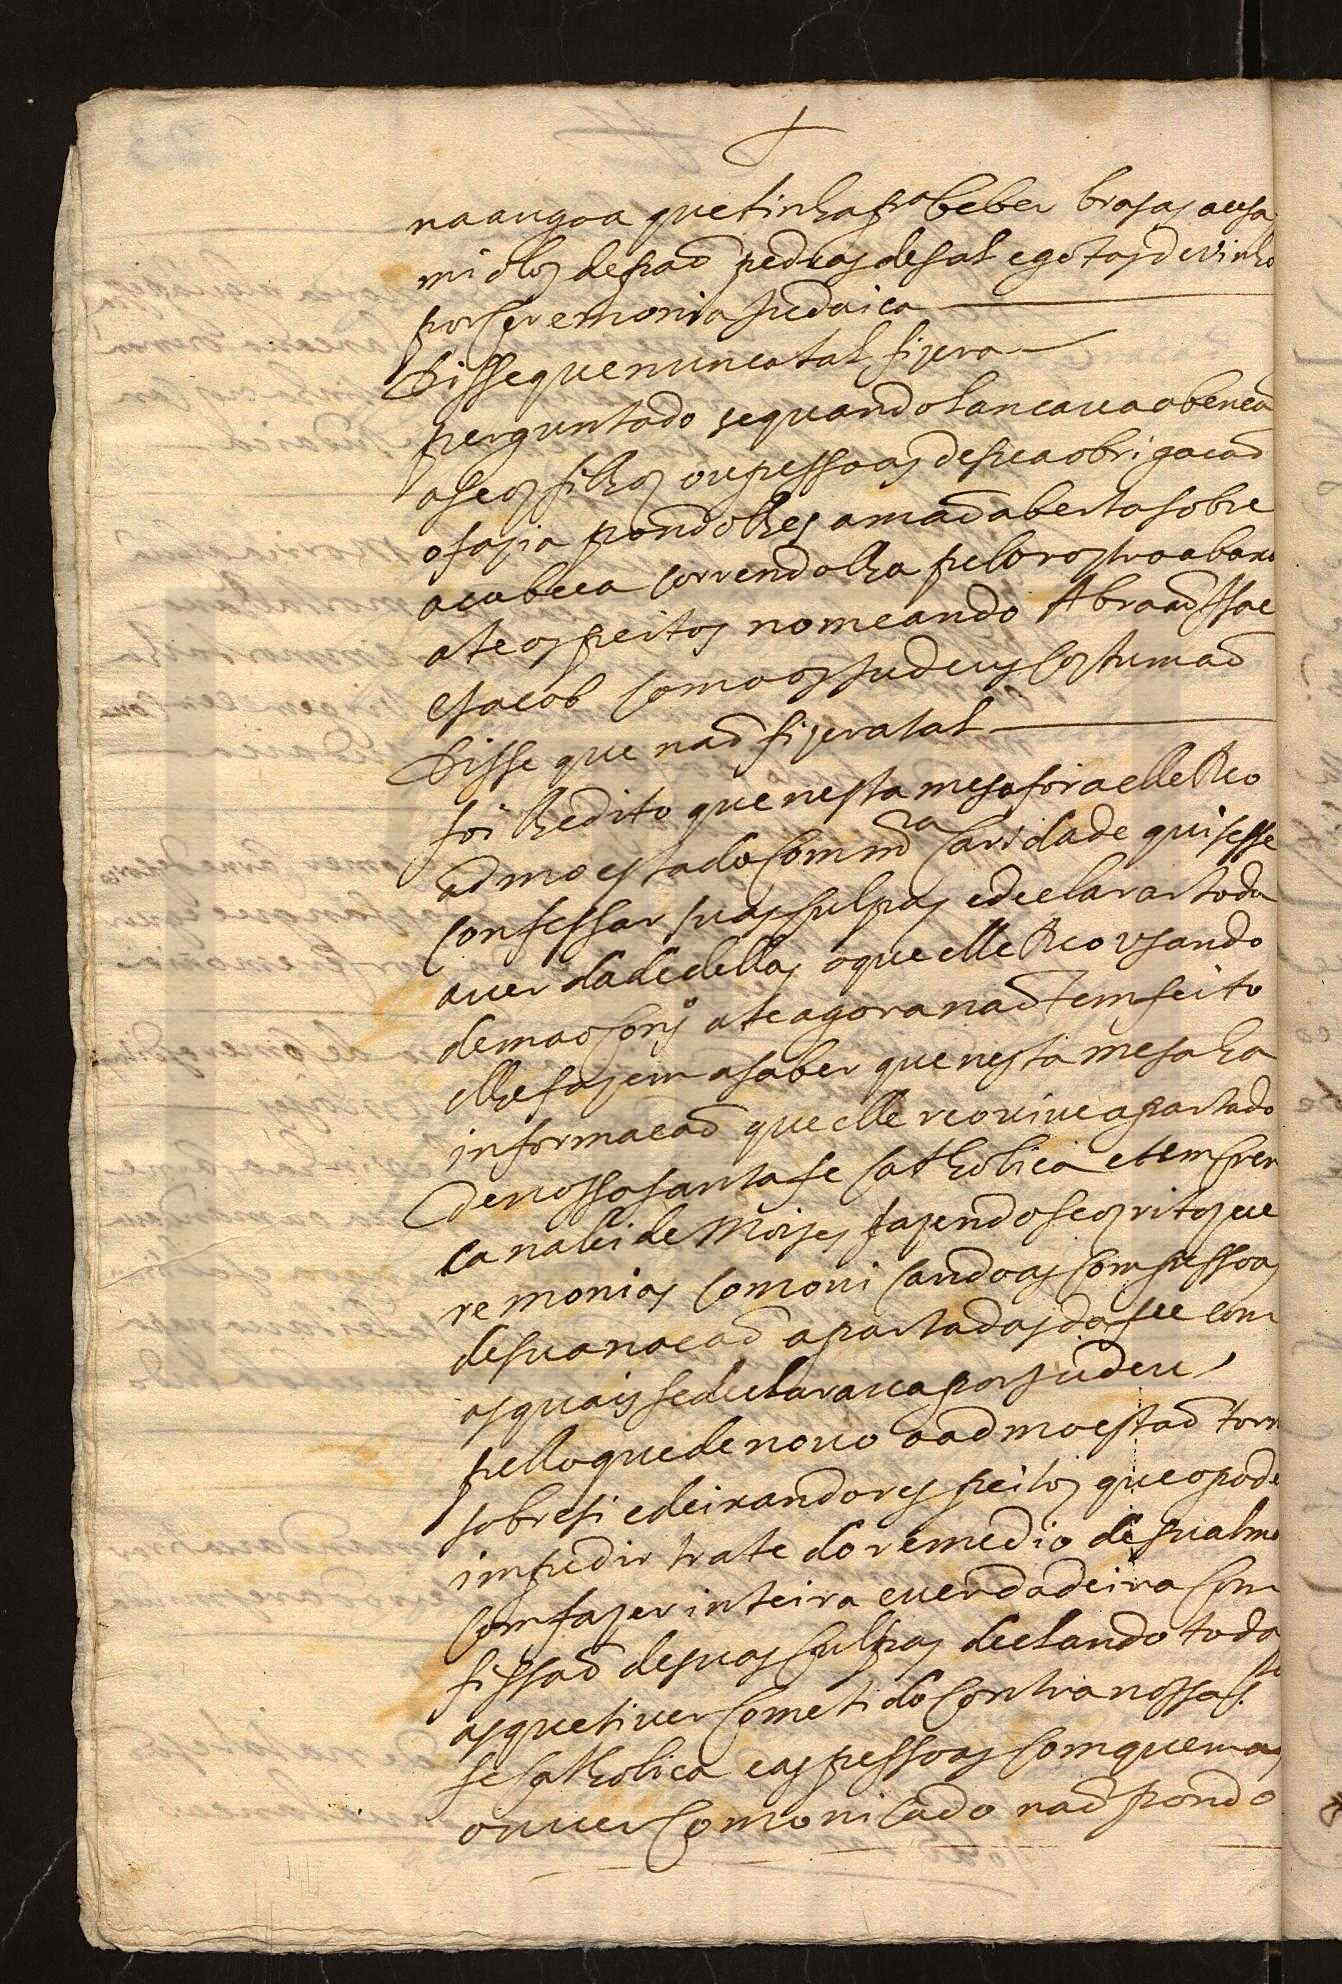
na augoa que tinha pa beber brasas acesa
miolos de paõ pedras de sal e gotas de vinho
por Ceremonia Judaica
Disse que nunca tal fizera
perguntado se quando lançaua a bençā
a seoz filhoz ou pessoas de sua obrigaçaõ
o fazia pondolhes a maõ aberta sobre
a cabeça correndolha pelo rostro abaxo
ate os peitos nomeando Abraaõ Jsac
e Jacob Como os judeus costumaõ
Disse que naõ fizera tal
foi lhe dito que nesta mesa fora elle Reo
admoestado Com mta Caridade quisesse
confessar suas Culpas e declarar toda
a uerdade dellas o que elle Reo vsando
de mao Conso ate agora naõ tem feito
e lhe fazem a saber que nesta mesa ha
informaçaõ que elle reo uiue apartado
de nossa santa fe Catholica e tem Cren
ça na lei de moises fazendo seoz ritoz e ce
remonias ComoniCandoas Com pessoas
de sua naçaõ apartadas da fee com
as quais se declaraua por judeu /
pello que de nouo o admoestaõ torn
sobre si e deixando respeitoz que o pode
impedir trate do remedio de sualma
Com fazer inteira e uerdadeira Com
fissaõ de suas Culpas declando toda
as que tiuer Cometido Contra nossa s.ta
fe Catholica e as pessoas Com quem as
ouuer Comonicado naõ pondo
